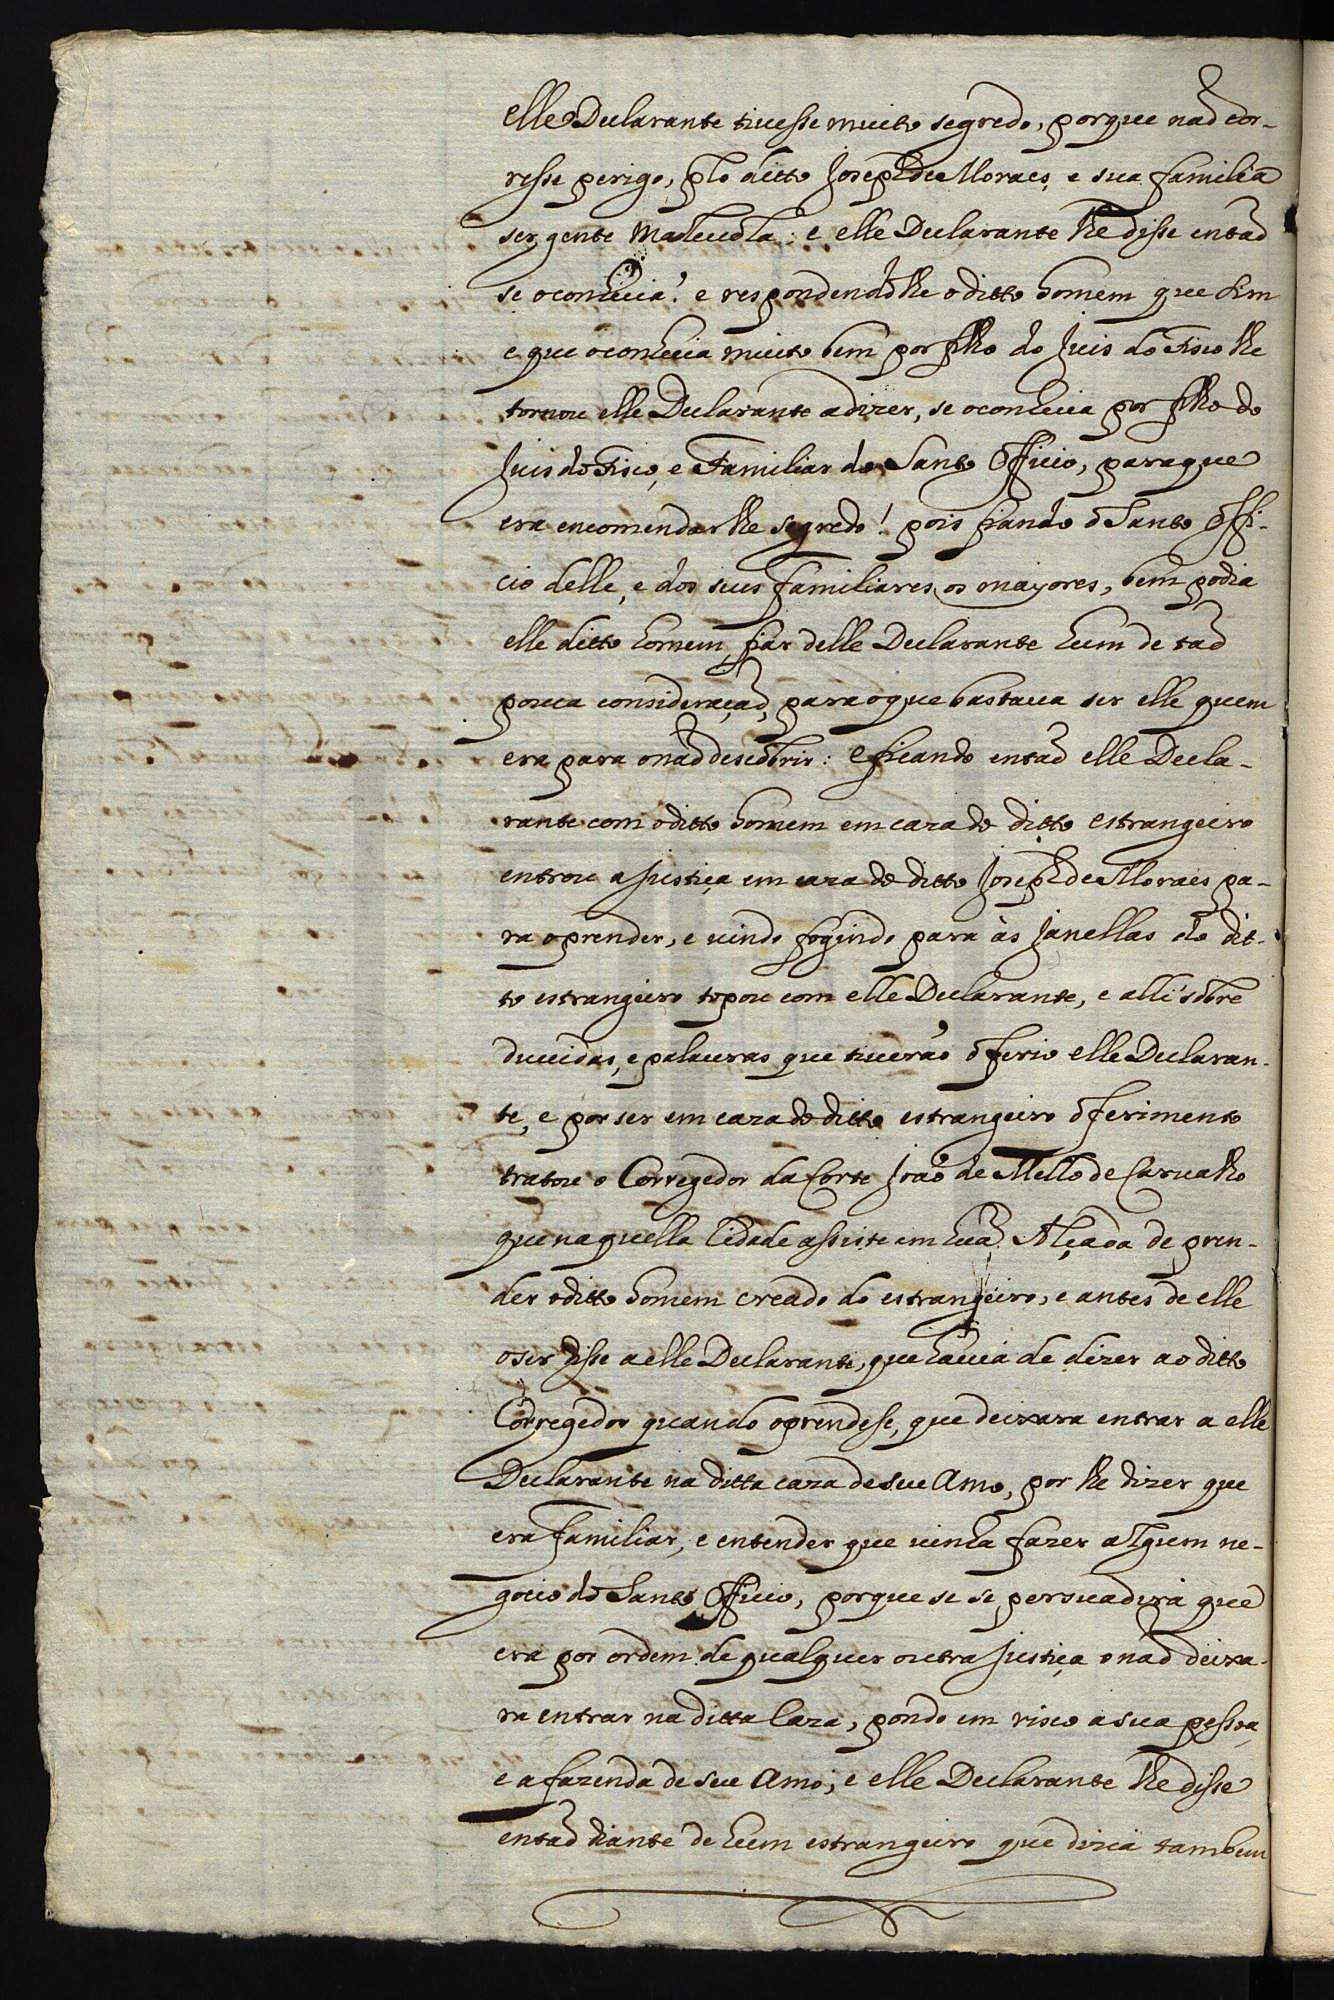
elle Declarante tiuesse muito segredo, porque naõ cor
resse perigo, p̄lo ditto Joseph de Moraes, e sua familia
ser gente maleuola; e elle Declarante lhe disse então
se o conhecia? e respondendolhe o ditto homem que sim
e que o conhecia muito bem por filho do Juis do Fisco lhe
tornou elle Declarante a dizer, se o conhecia por filho do
Juis do Fisco, e Familiar do Santo Officio, para que
era encomendar lhe segredo! pois fiando o Santo offi
cio delle, e dos seus familiares os mayores, bem podia
elle ditto homem fiar delle Declarante hum de taõ
pouca consideraçaõ, para o que bastaua ser elle quem
era para o naõ descobrir: e ficando entaõ elle Decla
rante com o ditto homem em caza do ditto estrangeiro
entrou a Justiça em caza do ditto Joseph de Moraes pa
ra o prender, e uindo fogindo para as janellas do dit
to estrangeiro topou com elle Declarante, e alli sobre
duuidas, e palauras que tiuerão o ferio elle Declaran
te, e por ser em caza do ditto estrangeiro o ferimento
tratou o Corregedor da Corte João de Mello de Carualho
que naquella Cidade assiste em huā Alçada de pren
der o ditto homem creado do estrangeiro, e antes de elle
o ser disse a elle Declarante, que hauia de dizer ao ditto
Corregedor quando o prendese, que deixara entrar a elle
Declarante na ditta caza de seu amo, por lhe dizer que
era familiar, e entender que uinha fazer algum ne
gocio do Santo Officio, porque se se persuadira que
era por ordem de qualquer outra Justiça o naõ deixa
ra entrar na ditta Caza, pondo em risco a sua pessoa
e a fazenda de seu amo, e elle Declarante lhe disse
então diante de hum estrangeiro que dizia tambem
